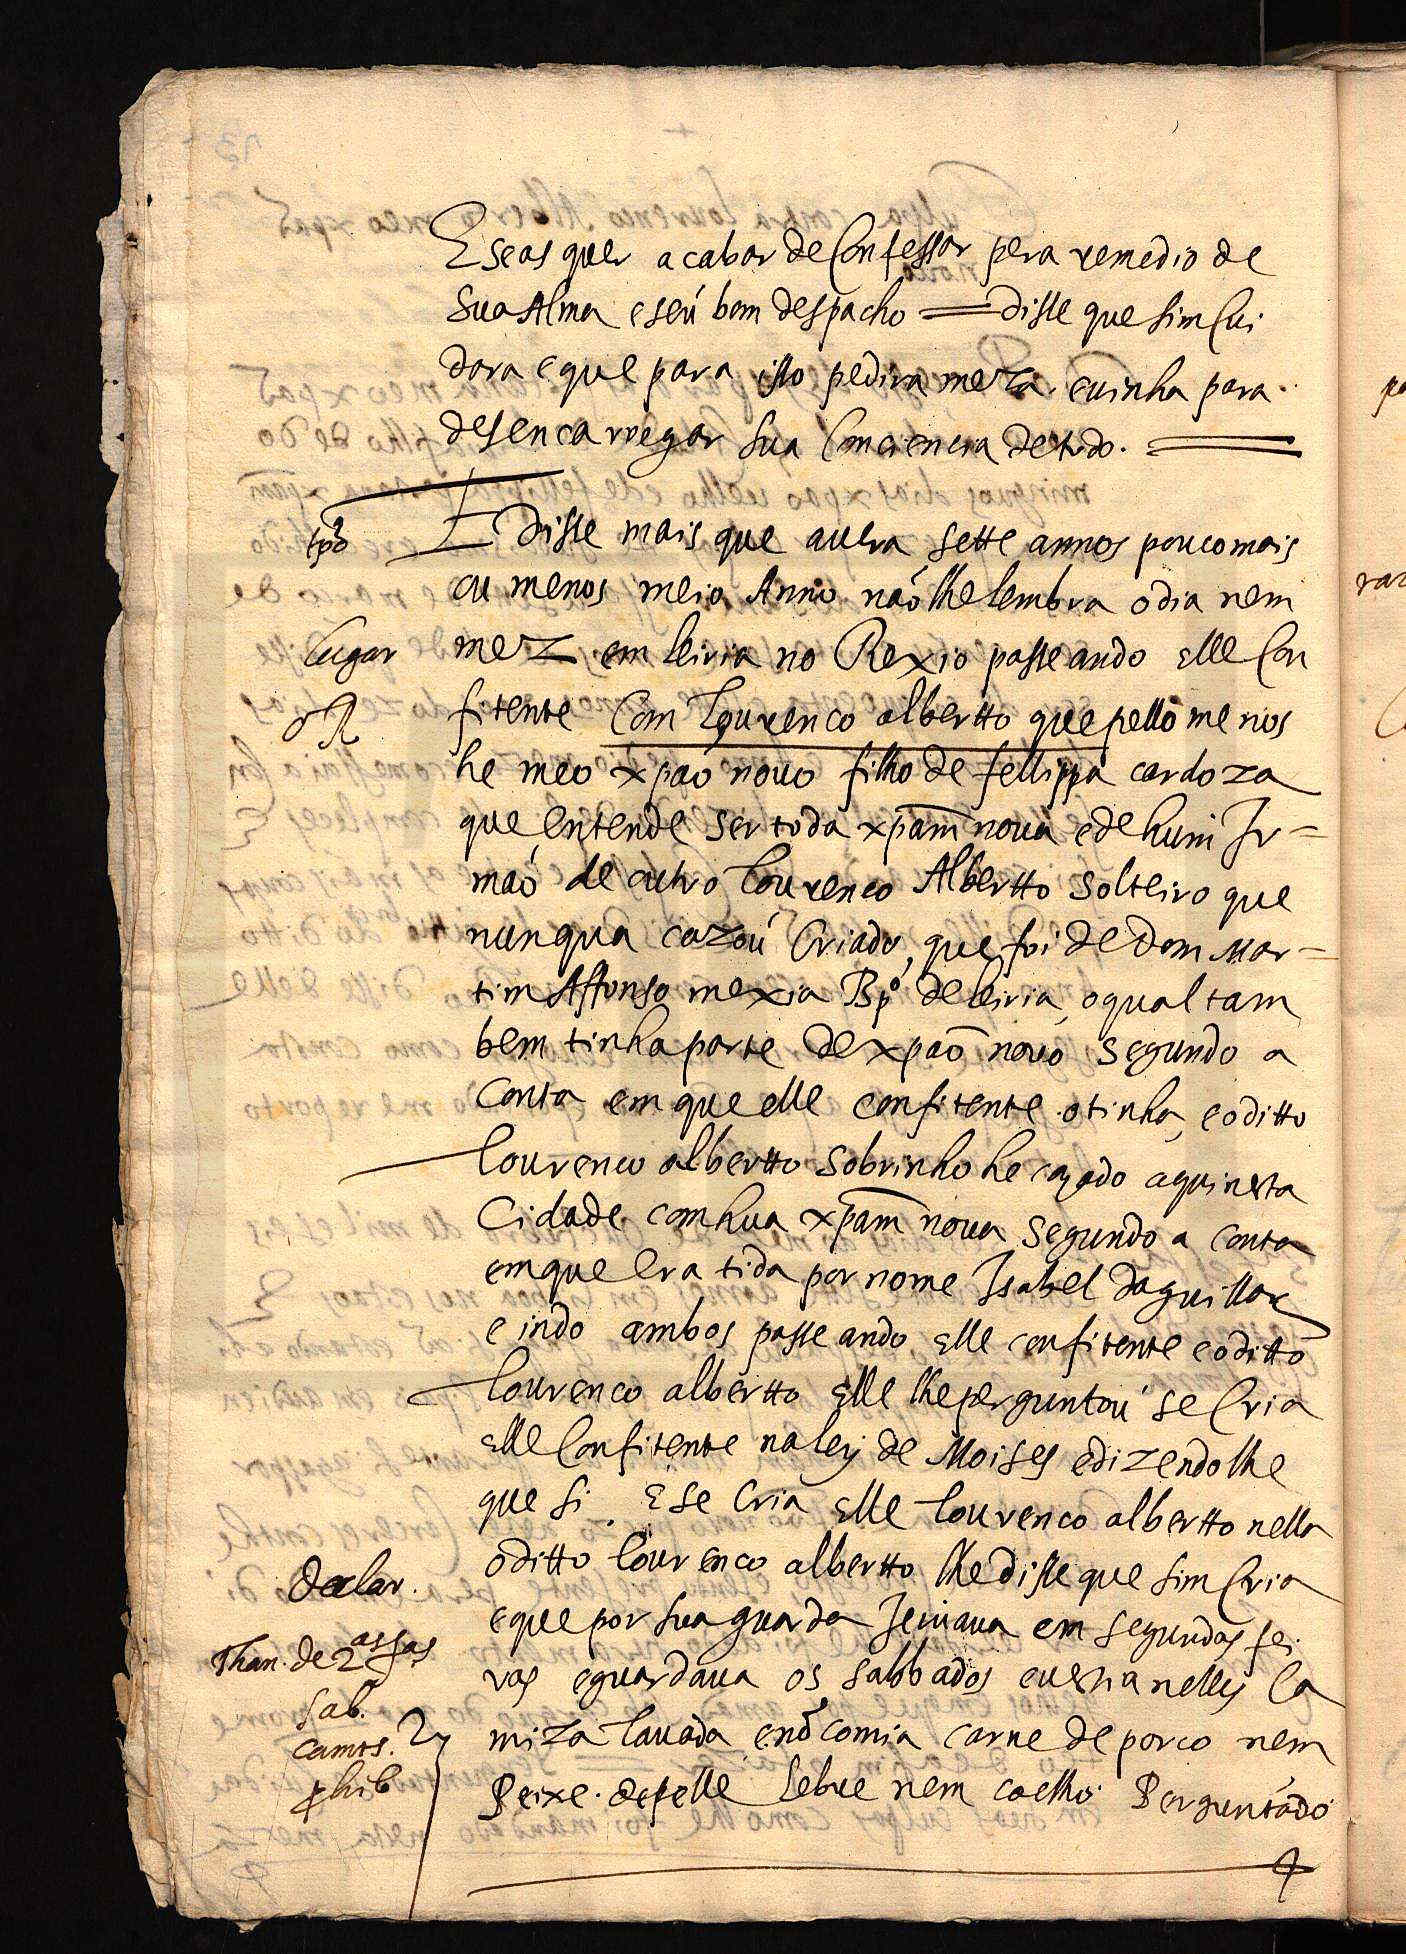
E se as quer acabar de Confessar pera remedio de
sua Alma e seú bom despacho == disse que sim Cui
dara e que para isso pedira meza. e uinha para
desencarregar sua Conciencia de todo.
E disse mais que auera sette annos pouco mais
ou menos meio Anno naõ lhe lembra o dia nem
mez em leiria no Rexio passeando Elle Con
fitente Com Lourenco albertto que pello menos
he meo xpaõ nouo filho de fellippa cardoza
que entende ser toda xp̄am noua e de hum Jr
maõ de outro lourenco Albertto solteiro que
nunqua cazou Criado, que foi de Dom Mar
tim Affonso mexia Bpo de leiria, o qual tam
bem tinha parte de xpaõ nouo segundo a
conta em que elle confitente o tinha, e o ditto
lourenco albertto sobrinho he cazado aqui nesta
Cidade com hua xp̄am noua segundo a conta
em que era tida por nome Jsabel daguillar
e indo ambos passeando Elle confitente e o ditto
lourenco albertto Elle lhe perguntou se Cria
Elle Confitente na ley de Moises e dizendolhe
que si E se cria Elle lourenco albertto nella
o ditto lourenco albertto lhe disse que sim Cria
e que por sua guarda Jeiuaua em segundas fei
ras e guardaua os sabbados e uestia nelles Ca
miza lauada e nō comia carne de porco nem
Peixe de pelle Lebre nem coelho. Perguntado
